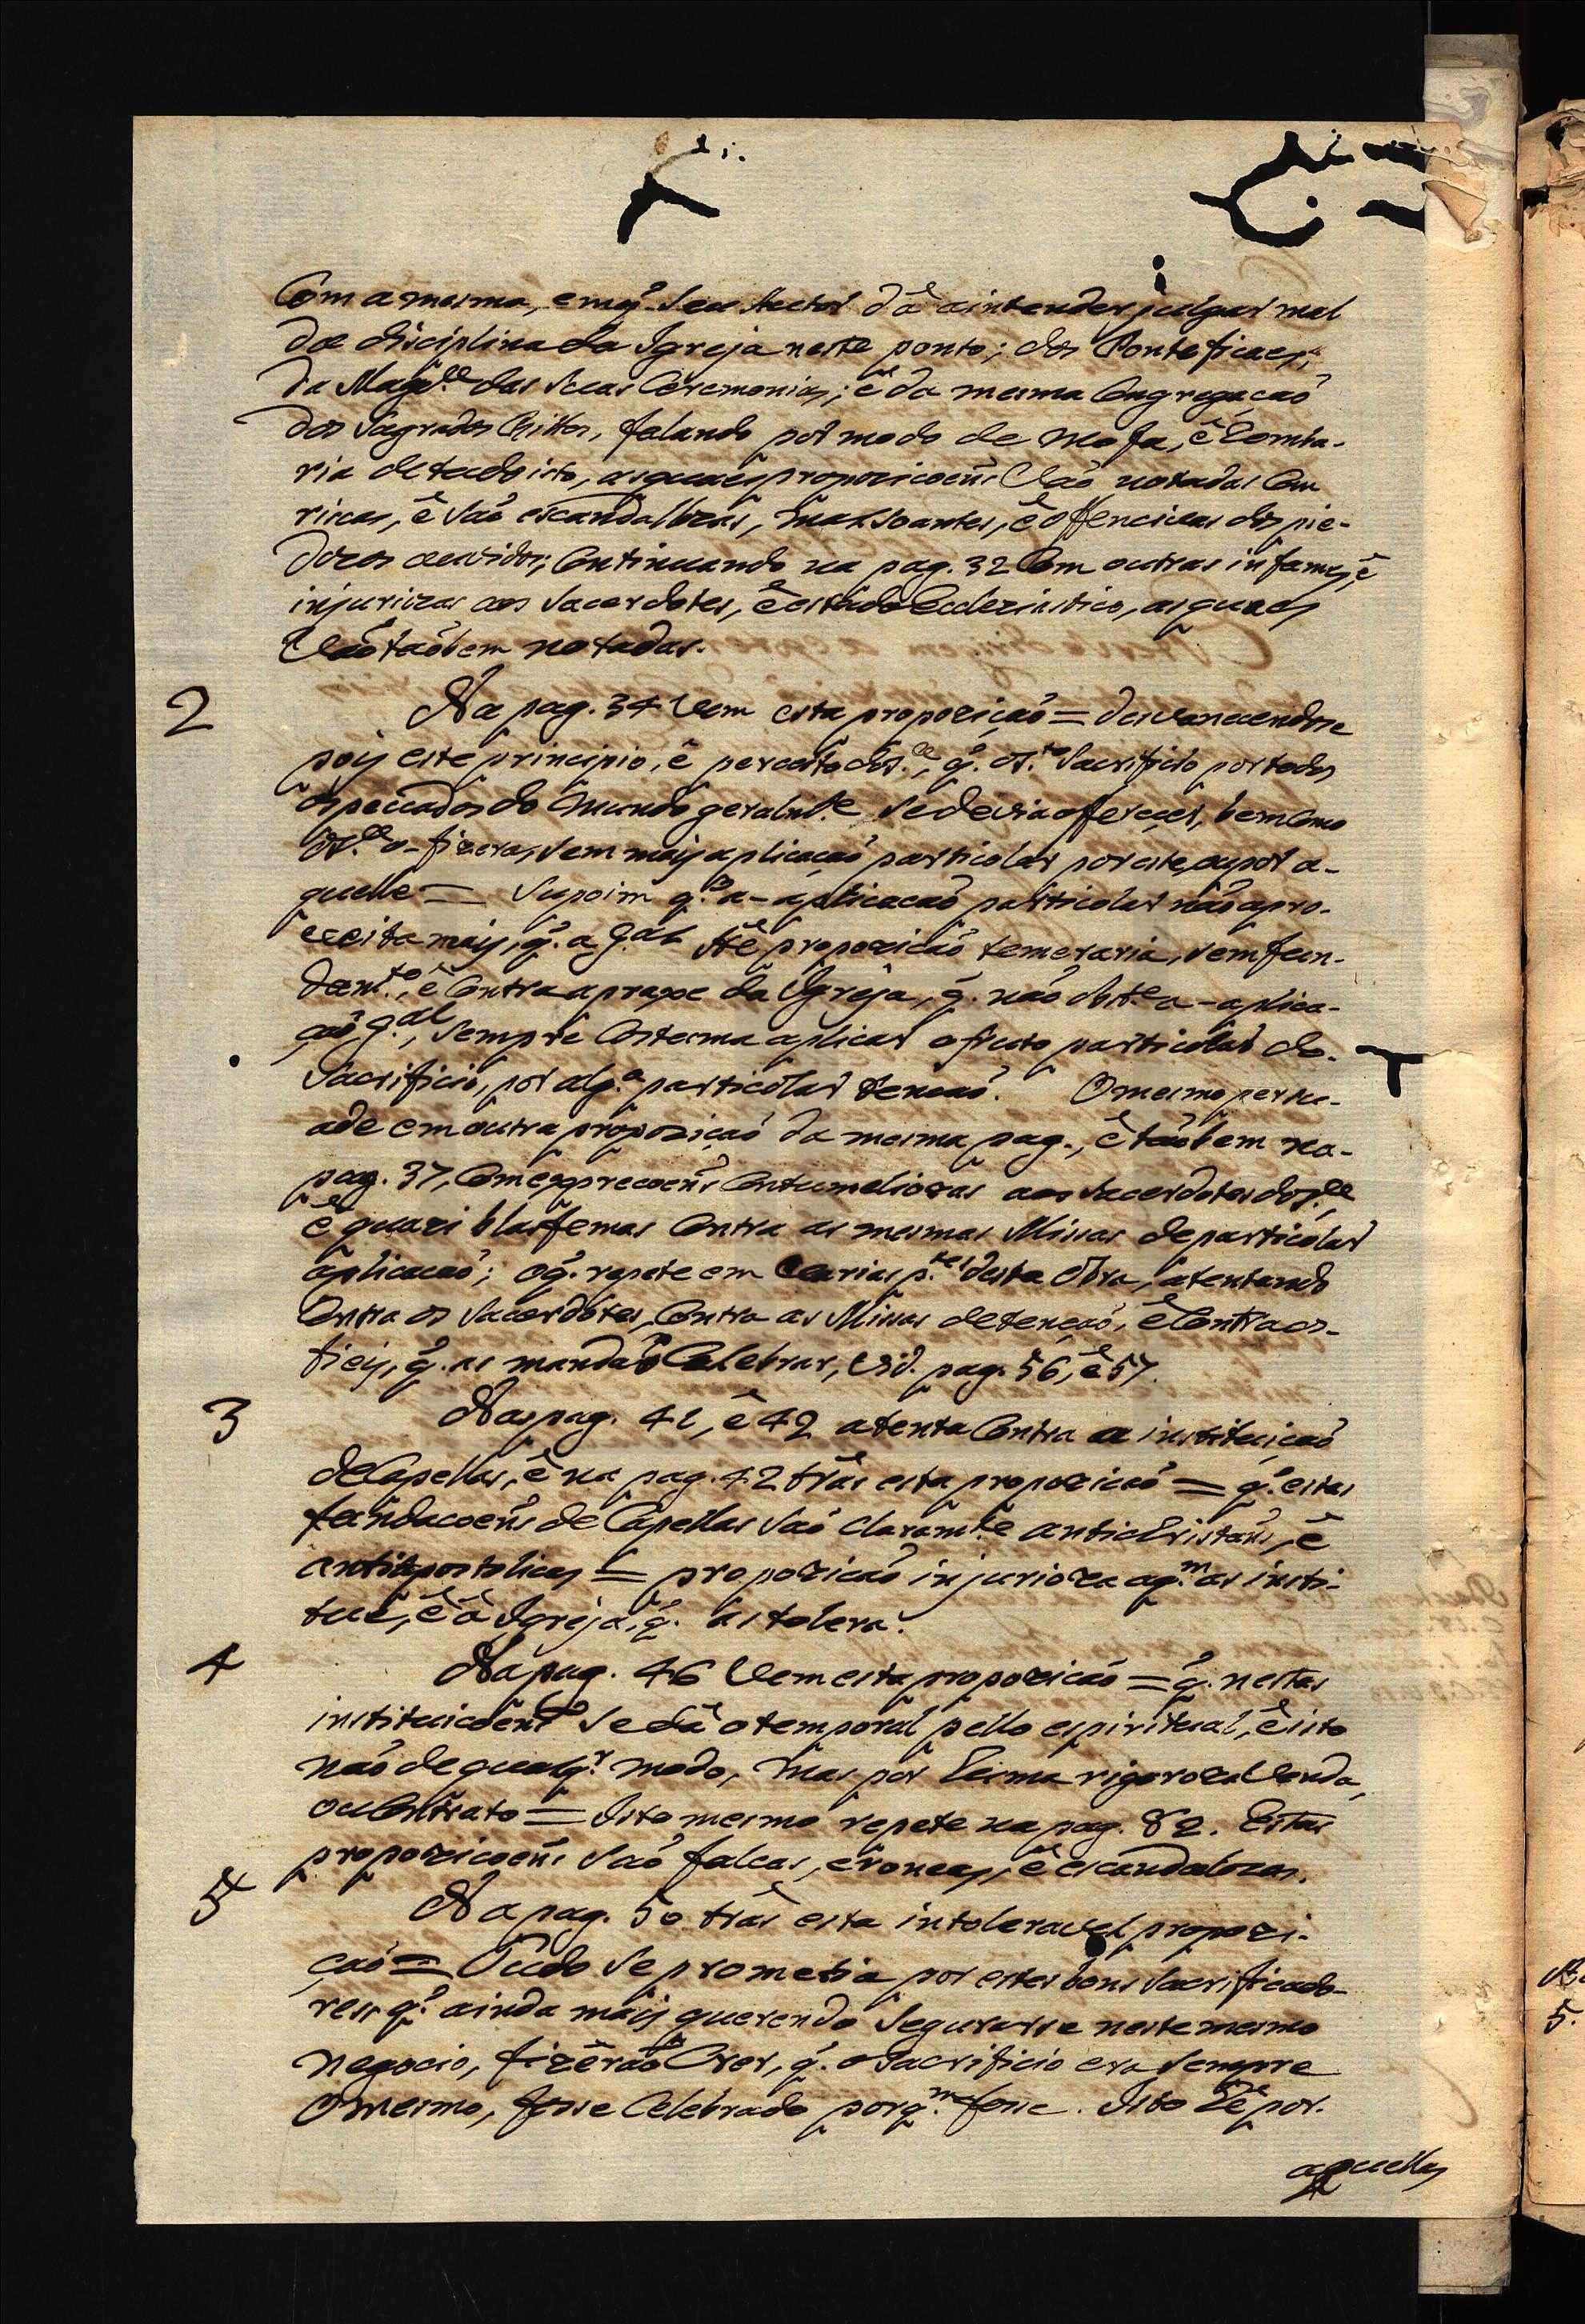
2
3
4
5
Com a mesma, em q̄ seu Autor dâ a intender julgar mal
da disciplina da Igreja neste ponto; dos Ponteficaes,
da Mag.de das suas Ceremonias; ê da mesma Congregaçaõ
dos Sagrados Rittos, falando por modo de mosa, ê
Comtra
ria de tudo isto, as quaes propoziçoeñs vaõ notadas com
riscas, ê saõ escandallozas, malsoantes, ê offencivas dos pie
dozos ouvidos; Continuando na pag. 32 Com outras infames, ê
injuriozas aos sacerdotes, ê estado Eccleziastico, as quaes
Vão taõbem notadas.
Na pag. 34 vem esta propoziçaõ = desvanecendose
pois este principio, ê percerto do s.ce, q̄. o s.to Sacrificio por todos
os peccados do mundo geralm.te se devia offereçer, bem como
o s.ce o-fizera, sem mais aplicaçaõ particolar por este ou por a
quelle = supoim q. a - aplicaçaõ particolar naõ apro
veita mais, q̄ a G.al Hê propozicaõ temeraria, sem fun
dam.to, ê Contra a praxe da Igreja, q̄. naõ obst.e a - aplica
çaõ G.al, sempre Costuma aplicar o fruto particular do
sacrificio, por alg.a particular tencaõ. O mesmo persu
ade em outra propoziçaõ da mesma pag., ê taõbem na
pag.37, Com exprecoeñs Contumeliozas aos sacerdotes do s.ce
e quazi blasfemas Contra as mesmas Missas de particólar
aplicacaõ; o q̄ repete em varias p.tes desta obra, atentando
Contra os sacerdotes, Contra as Missas de tençaõ, ê Contra os
fieis, q̄. as mandaõ Celebrar, vid. pag. 56, ê 57.
Na pag. 41, ê 42 atenta Contra a instituiçaõ
de Capellas, ê na pag. 42 trâs esta propozicaõ = q.o estas
fundacoeñs de Capellas saõ claram.te antichristañs, ê
antiApostolicas = prepozicaõ injurioza a q.m as insti
tue, ê â Jgreja, q̄ as tolera.
Na pag. vem esta propozicaõ = q̄. nestas
instituiçoens se dâ o temporal pello espiritual, ê isto
naõ de qualq.r modo, mas por huma rigoroza venda,
ou Contrato = Isto mesmo repete na pag. 82. Estas
propozicoeñs saõ falcas, eroneas, ê escandalozas.
Na pag. 50 trâs esta intoleravel propozi
çaõ = Tudo se prometia por estes bons sacrificado
ress q̄. ainda mais querendo segurarse neste mesmo
negocio, fizêraõ Crer, q̄ o sacrificio era sempre
o mesmo, fosse Celebrado porq.m fosse. Isto hê por
aquelles
